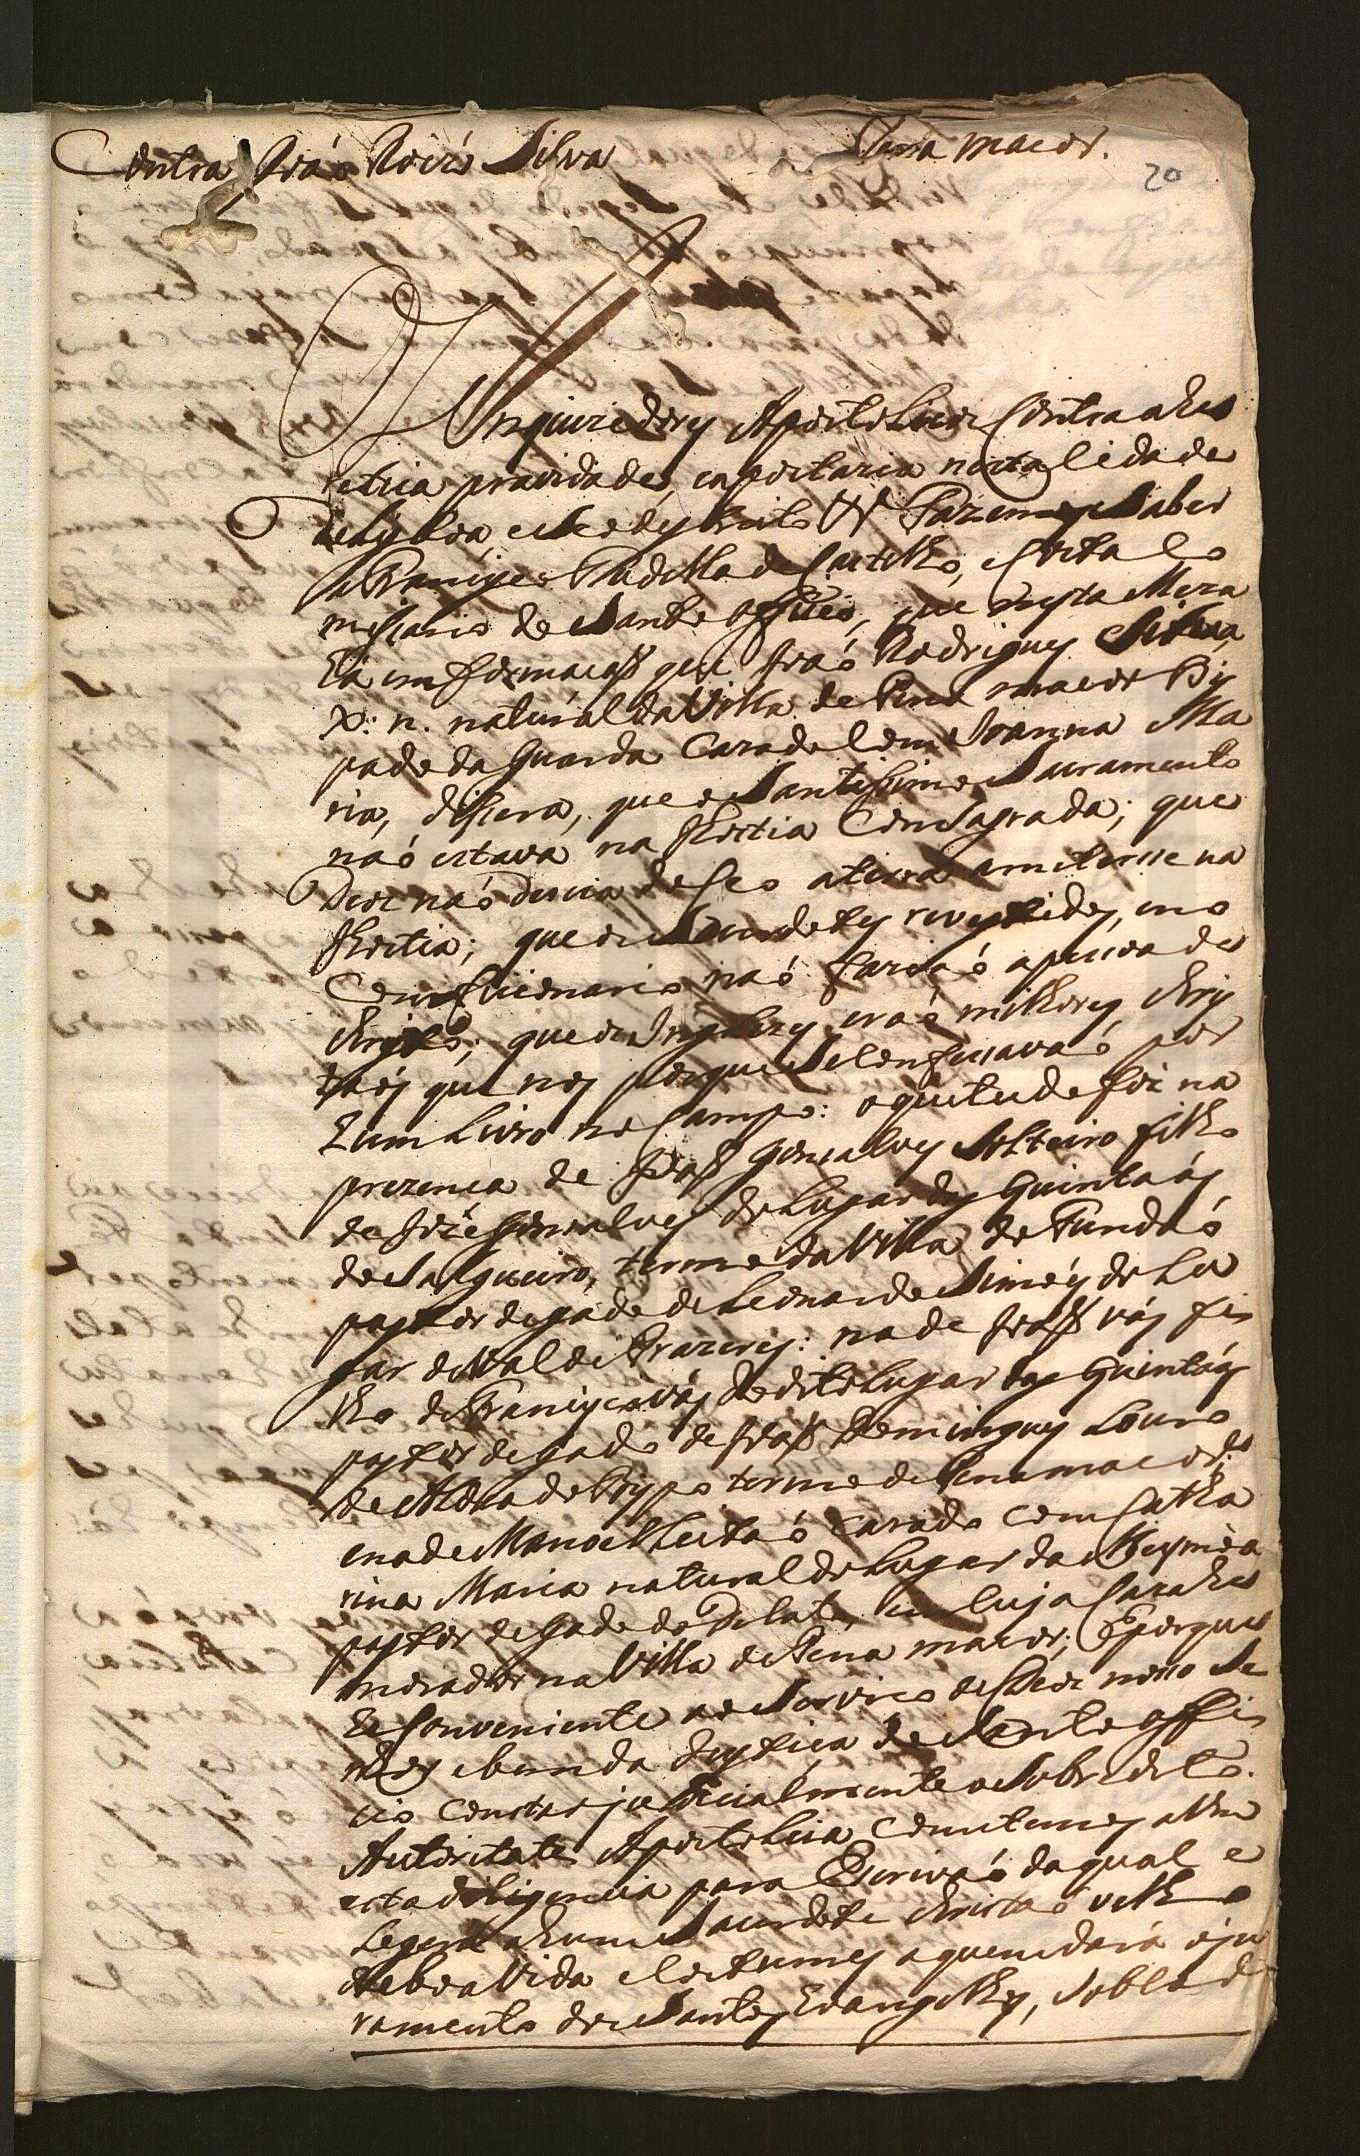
Penamacor.
Contra João Roiz̄ Silva
Os Inquizidores ApostoLicos Contra a he
retica pravidade, e apostazia nesta cidade
de Lisboa, e seo districto &a Fazemos Saber
a Francisco Tudella de Castilho, e Costa co
missario de Santo officio, que nesta Meza
há imformaçaõ que Joaõ Rodrigues Silua,
x: n. natural da Villa de Penamacor Bis
pado da Guarda Cazado com Ioanna Ma
ria, dissera, que o Santissimo Sacramento
naõ estava na Hostia Consagrada; que
Deos naõ descia do Ceo a terra a metersse na
Hostia; que os Sacerdotes revestidos, e no
comficionario naõ faziaõ a pessoa de
christo; que os Inglezes eraõ milhores, chris
taõs que nos porque Se confessavaõ por
hum Livro no Campo: o que tudo foi na
prezença de Joaõ Goncalves Solteiro filho
de Jozé Gonsalves do Lugar das Quintaãs
do Salgueiro, termo da Villa do Fundaõ
pastor de gado de Leonardo Simoẽs do Lu
gar de Val de Prazeres: na de Joaõ vás fi
lho de Francisco vás do dito Lugar das Quintaãs
pastor de gado de Joaõ Domingues Louro
de Aldea do Bispo termo de Penamacor.
e na de Manoel Leitaõ casado com Catha
rina Maria natural do Lugar da Meymoa
pastor de Gado do Delato, em cuja Caza he
morador na Villa de Penamacor; E porque
he Conveniente ao Serviço de Deos nosso Se
nhor e bem da Iustiça de Santo offi
cio constar judicialmente o Sobredito
Autoritate Apostolica cometemos a Vm
esta diligencia para Escrivaõ da qual e
Legera a hum sacerdote christaõ velho
de boa Vida e costumes a quem dará o ju
ramento dos Santos Evangelhos, sob car
